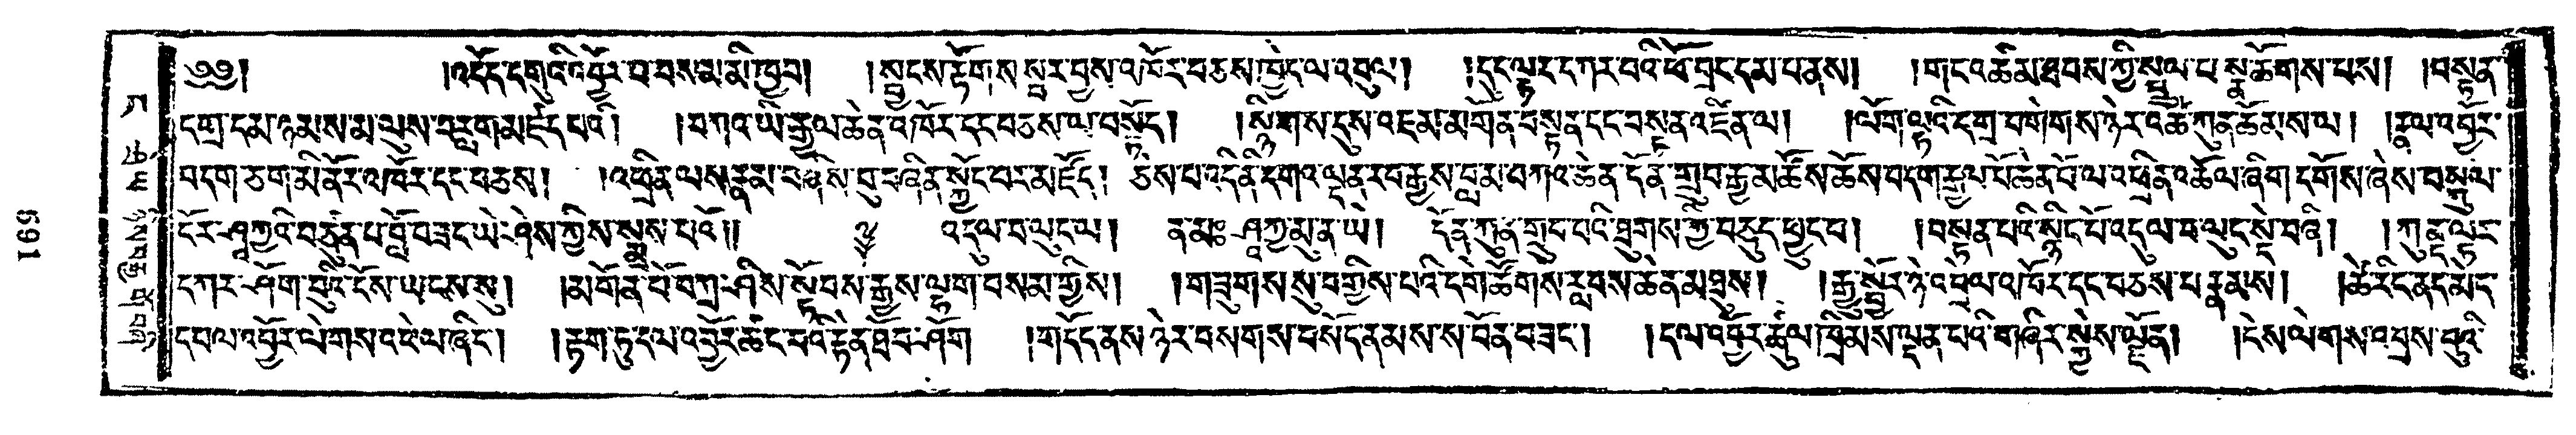༄༅། །འདོད་དགུའི་འབྱོར་བ་བསམ་མི་ཁྱབ། །སྦྱངས་རྟོགས་སྦར་བྱས་འཁོར་བཅས་ཁྱེད་ལ་འབུལ། །དུང་ལྟར་དཀར་བའི་ཕོ་བྲང་དམ་པ་ནས། །གང་འཚམ་ཐབས་ཀྱི་སྤྲུལ་པ་སྣ་ཚོགས་པས། །བསྟན་
དགྲ་དམ་ཉམས་མ་ལུས་བརླག་མཛད་པའི། །བཀའ་ཡི་རྒྱལ་ཆེན་འཁོར་དང་བཅས་ལ་བསྟོད། །སྙིགས་དུས་འཇམ་མགོན་བསྟན་དང་བསྟན་འཛིན་ལ། །ལོག་ལྟའི་དགྲ་བགེགས་ཉེར་འཆོ་ཀུན་ཆོམས་ལ། །རྣལ་འབྱོར་
བདག་ཅག་མི་ནོར་འཁོར་དང་བཅས། །འཕྲིན་ལས་རྣམ་བཞིས་བུ་བཞིན་སྐྱོང་བར་མཛོད། ཅེས་པ་འདི་ནི་དགའ་ལྡན་རབ་རྒྱས་བླ་མ་བཀའ་ཆེན་དོན་གྲུབ་རྒྱ་མཚོས་ཆོས་བདག་རྒྱལ་པོ་ཆེན་པོ་ལ་འཕྲིན་འཆོ་ལ་ཞིག་དགོས་ཞེས་བསྐུལ་
ངོར་ཤཱཀྱའི་བཙུན་པ་བློ་བཟང་ཡེ་ཤེས་ཀྱིས་སྨྲས་པའོ།། ༈ འདུལ་བ་ལུང་ལ། ན་མཿཤཱཀྱ་མུ་ན་ཡེ། དོན་ཀུན་གྲུབ་པའི་ཐུགས་ཀྱི་བཅུད་ཕྱུང་བ། །བསྟན་པའི་སྙིང་པོ་འདུལ་བ་ལུང་སྡེ་བཞི། །ཀུནྡ་ལྟར་
དཀར་ཤོག་བུའི་ངོས་ཡངས་སུ། །མགོན་པོ་བཀྲ་ཤིས་སྟོབས་རྒྱས་ལྷག་བསམ་གྱིས། །གཟུགས་སུ་བགྱིས་པའི་དགེ་ཚོགས་རླབས་ཆེན་མཐུས། །རྒྱུ་སྦྱོར་ཉེ་འབྲེལ་འཁོར་དང་བཅས་པ་རྣམས། །ཚེ་རིང་ནད་མེད་
དཔལ་འབྱོར་ལེགས་འཕེལ་ཞིང་། །རྟག་ཏུ་ངལ་འབྱོར་ཚང་བའི་རྟེན་ཐོབ་ཤོག །གདོད་ནས་ཉེར་བསགས་བསོད་ནམས་ས་བོན་བཟང་། །དལ་འབྱོར་ཚུལ་ཁྲིམས་ལྡན་པའི་གཞིར་སྐྱེས་ལྗོན། །ངེས་ལེགས་འབྲས་བུའི་